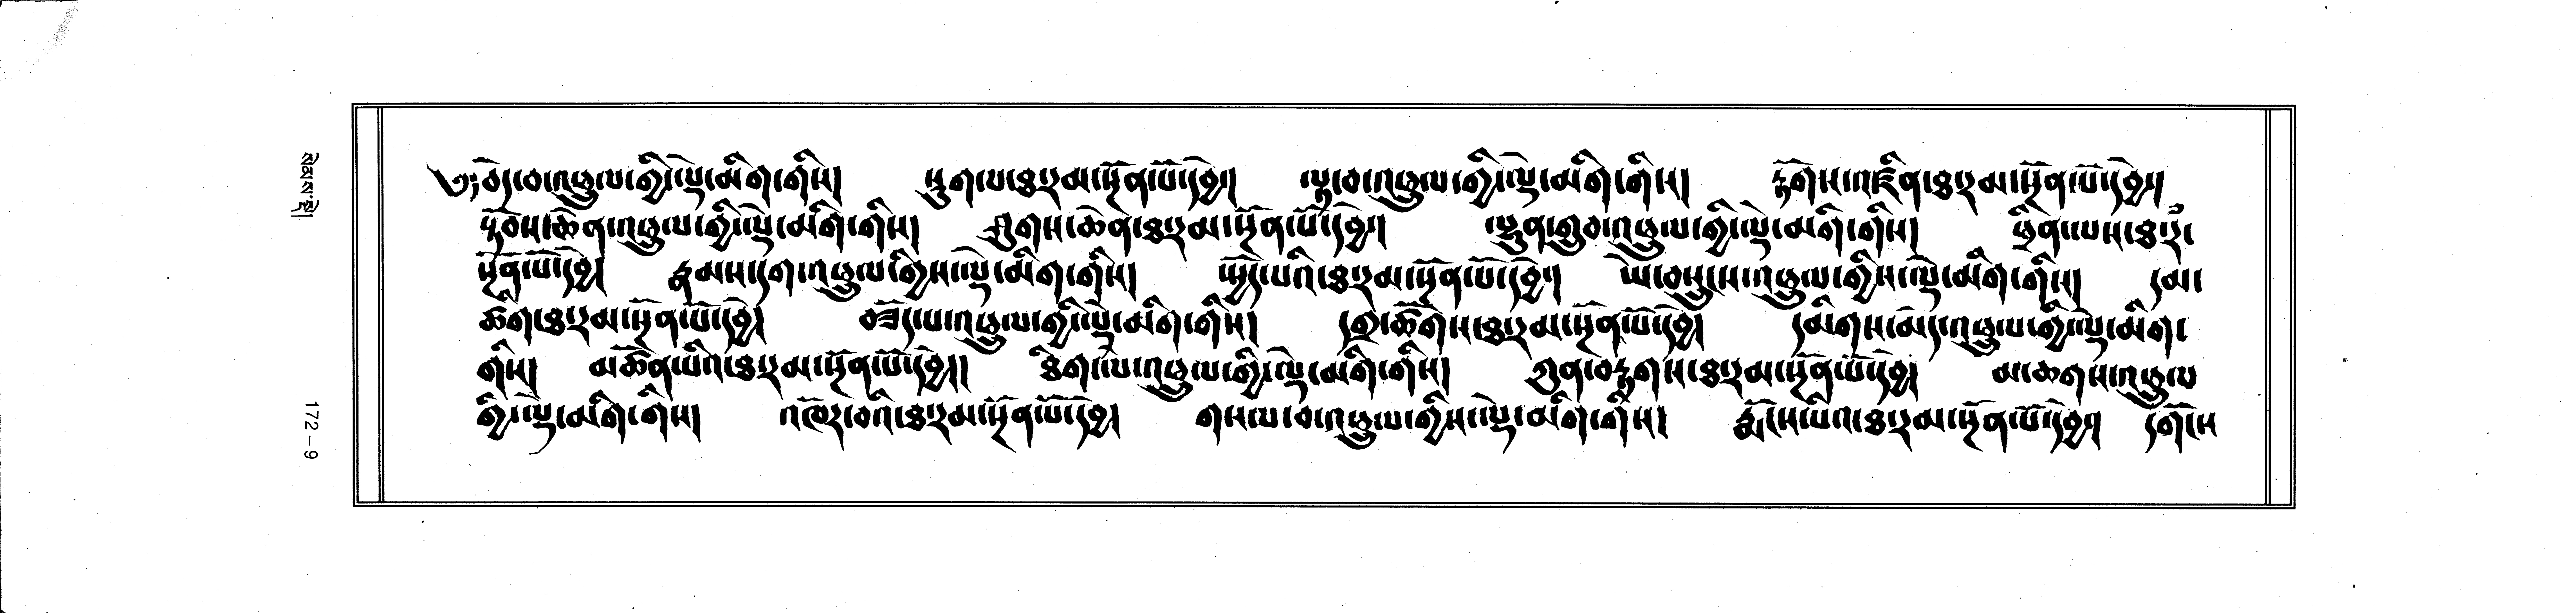བདེ་བ་འཕྲུལ་གྱིས་ལྡེ་མིག་གིས། སྡུག་ལ་ཐ་རམ་སྔོན་པོ་དབྱེ། ལྟ་བ་འཕྲུལ་གྱི་ལྡེ་མིག་གིས། རྟོགས་འཛིན་ཐ་རམ་སྔོན་པོ་དབྱེ།
སྟོབས་ཆེན་འཕྲུལ་གྱི་ལྡེ་མིག་གིས། ཤུགས་ཆེན་ཐ་རམ་སྔོན་པོ་དབྱེ། ལྷུན་གྲུབ་འཕྲུལ་གྱི་ལྡེ་མིག་གིས། ཕྲིན་ལས་ཐ་རམ་
སྔོན་པོ་དབྱེ། རྣམ་དག་འཕྲུལ་གྱི་ལྡེ་མིག་གིས། སྤྱོད་པའི་ཐ་རམ་སྔོན་པོ་དབྱེ། ཡེ་བསྲུངས་འཕྲུལ་གྱི་ལྡེ་མིག་གིས། དམ་
ཚིག་ཐ་རམ་སྔོན་པོ་དབྱེ། བཟོད་པ་འཕྲུལ་གྱི་ལྡེ་མིག་གིས། དགྲ་ཚོགས་ཐ་རམ་སྔོན་པོ་དབྱེ། དམིགས་མེད་འཕྲུལ་གྱི་ལྡེ་མིག་
གིས། མཚོན་པའི་ཐ་རམ་སྔོན་པོ་དབྱེ། ཐིག་ལེ་འཕྲུལ་གྱི་ལྡེ་མིག་གིས། ཀུན་བརྟགས་ཐ་རམ་སྔོན་པོ་དབྱེ། མ་ཆགས་འཕྲུལ་
གྱི་ལྡེ་མིག་གིས། འཁོར་བའི་ཐ་རམ་སྔོན་པོ་དབྱེ། གསལ་བ་འཕྲུལ་གྱི་ལྡེ་མིག་གིས། རྨོངས་པའི་ཐ་རམ་སྔོན་པོ་དབྱེ། དགོངས་